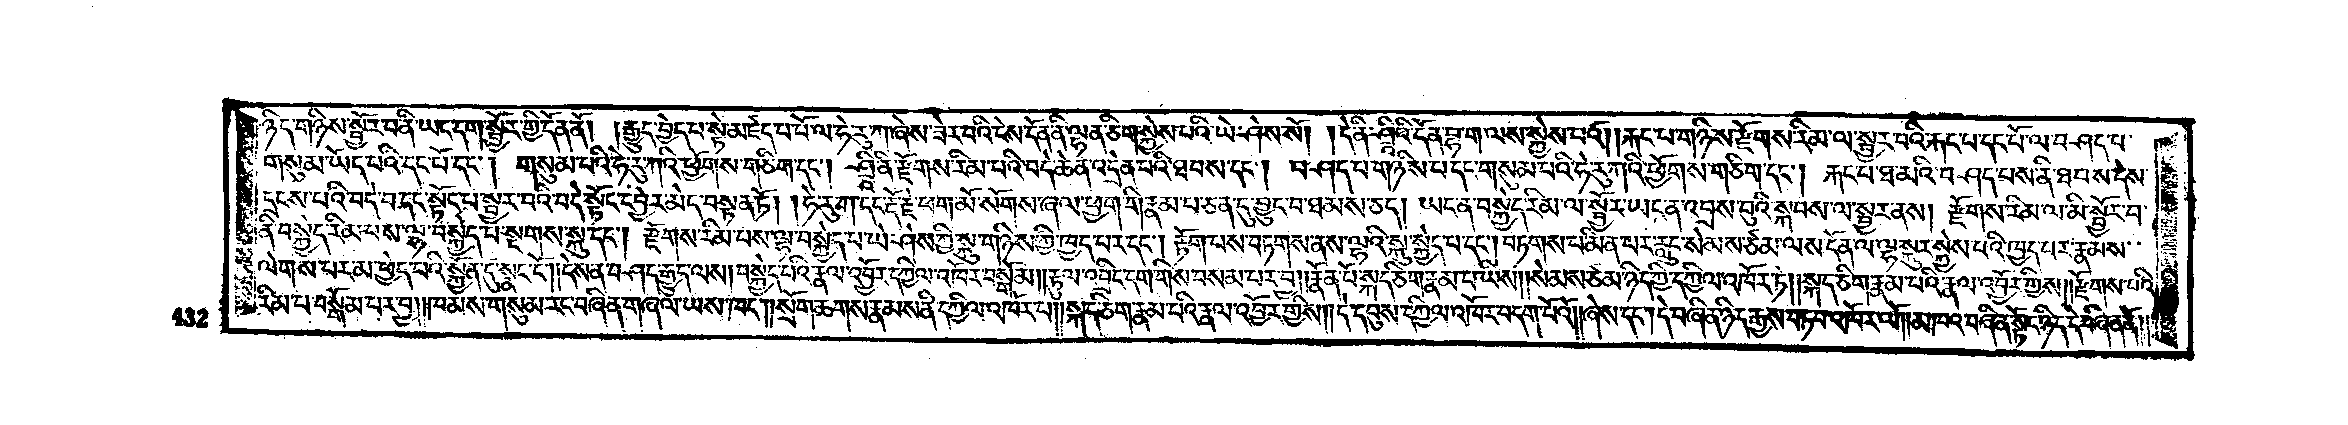ཉིད་གཉིས་སྦྱོར་བ་ནི་ཡང་དག་སྦྱོར་གྱི་དོན་ནོ། །རྒྱུད་བྱེད་པ་སྟེ་མཛད་པ་པོ་ལ་ཧེ་རུ་ཀ་ཞེས་ཟེར་བའི་ངེས་དོན་ནི་ལྷན་ཅིག་སྐྱེས་པའི་ཡེ་ཤེས་སོ། །དེ་ནི་ཤྲཱིའི་དོན་བྷ་ག་ལས་སྐྱེས་པའོ། །རྐང་པ་གཉིས་རྫོགས་རིམ་ལ་སྦྱར་བའི་རྐང་པ་དང་པོ་ལ་བཤད་པ་
གསུམ་ཡོད་པའི་དང་པོ་དང་། གསུམ་པའི་ཧེ་རུ་ཀའི་ཕྱོགས་གཅིག་དང་། ཤྲཱི་ནི་རྫོགས་རིམ་པའི་བདེ་ཆེན་འདྲེན་པའི་ཐབས་དང་། བཤད་པ་གཉིས་པ་དང་གསུམ་པའི་ཧེ་རུ་ཀའི་ཕྱོགས་གཅིག་དང་། རྐང་པ་ཐ་མའི་བཤད་པས་ནི་ཐབས་དེས་
དྲངས་པའི་བདེ་བ་དང་སྟོང་པ་སྦྱར་བའི་བདེ་སྟོང་དབྱེར་མེད་བསྟན་ཏོ། །ཧེ་རུ་ཀ་དང་རྡོ་རྗེ་ཕག་མོ་སོགས་ཞལ་ཕྱག་གི་རྣམ་པ་ཅན་དུ་བྱུང་བ་ཐམས་ཅད། ཡང་ན་བསྐྱེད་རིམ་ལ་སྦྱོར་ཡང་ན་འབྲས་བུའི་སྐབས་ལ་སྦྱར་ནས། རྫོགས་རིམ་ལ་མི་སྦྱོར་བ་
ནི་བསྐྱེད་རིམ་པས་ལྷ་བསྐྱེད་པ་སྔགས་སྐུ་དང་། རྫོགས་རིམ་པས་ལྷ་བསྐྱེད་པ་ཡེ་ཤེས་ཀྱི་སྐུ་གཉིས་ཀྱི་ཁྱད་པར་དང་། རྟོག་པས་བཏགས་ནས་ལྷའི་སྐུ་སྐྱེད་པ་དང་། བཏགས་པ་མིན་པར་རླུང་སེམས་ཙམ་ལས་དོན་ལ་ལྷ་སྐུར་སྐྱེས་པའི་ཁྱད་པར་རྣམས་
ལེགས་པར་མ་ཕྱེད་པའི་སྐྱོན་དུ་སྣང་ངོ། །དེས་ན་བཤད་རྒྱུད་ལས། བསྐྱེད་པའི་རྣལ་འབྱོར་དཀྱིལ་འཁོར་བསྒོམ། །རྟུལ་འབྲིང་དག་གིས་བསམ་པར་བྱ། །རྣོན་པོ་སྐད་ཅིག་རྣམ་པ་ཡིས། །སེམས་ཙམ་ཉིད་ཀྱི་དཀྱིལ་འཁོར་ཏེ། །སྐད་ཅིག་རྣམ་པའི་རྣལ་འབྱོར་གྱིས། །རྫོགས་པའི་
རིམ་པ་བསྒོམ་པར་བྱ། །ཁམས་གསུམ་རང་བཞིན་གཞལ་ཡས་ཁང་། །སྲོག་ཆགས་རྣམས་ནི་དཀྱིལ་འཁོར་པ། །སྐད་ཅིག་རྣམ་པའི་རྣལ་འབྱོར་གྱིས། །དེ་དབུས་དཀྱིལ་འཁོར་བདག་པོའོ། །ཞེས་དང་། དེ་བཞིན་ཉིད་རྒྱས་བཏབ་འཁོར་ལོ། །མཁའ་བཞིན་སྟོང་ཉིད་དེ་བཞིན་ནོ། །